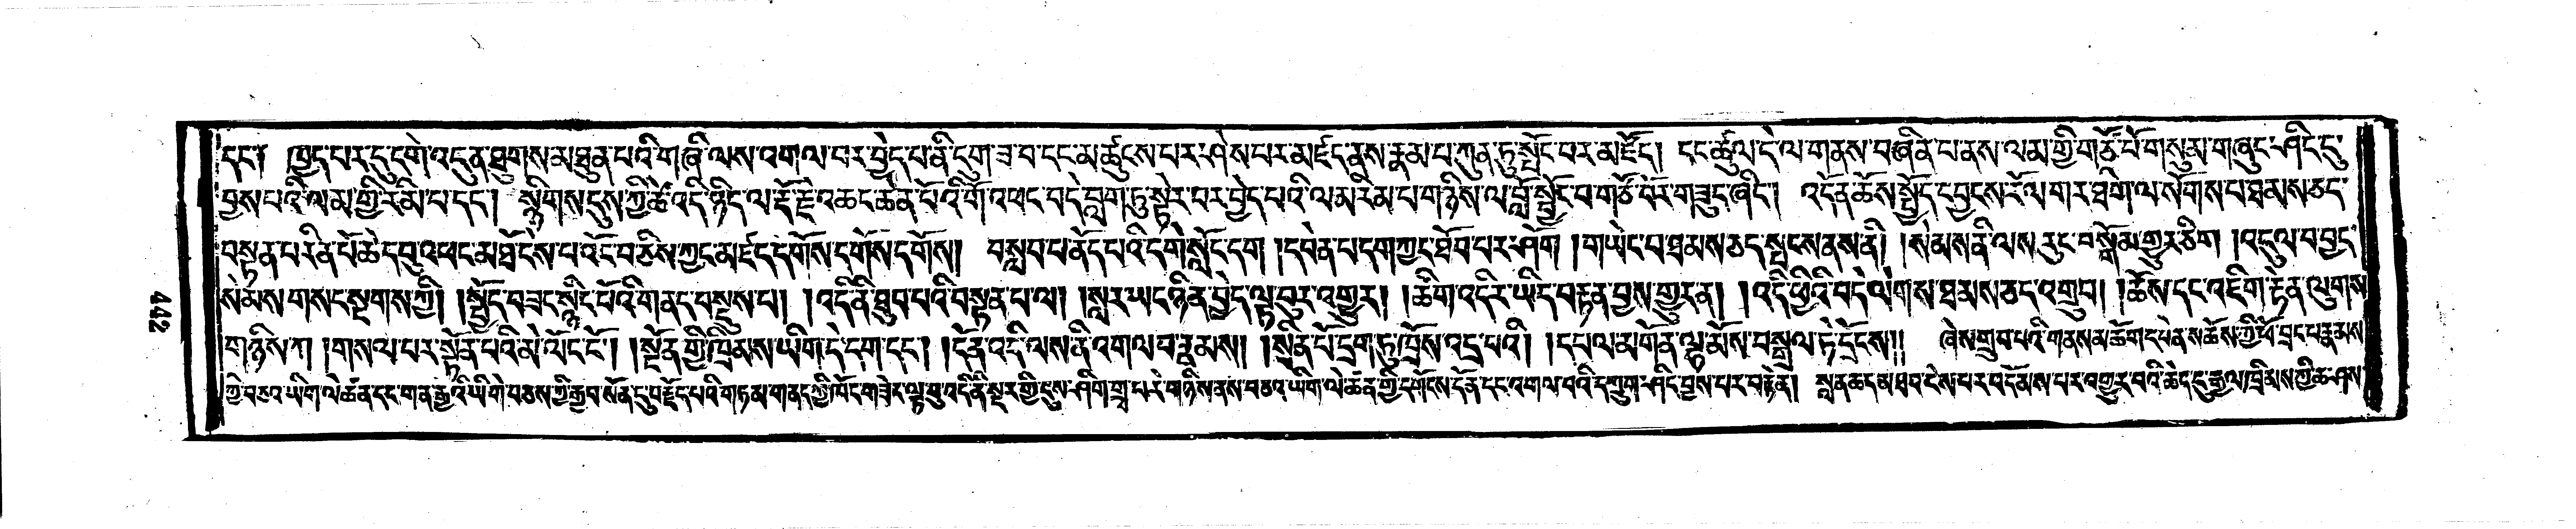དང་། ཁྱད་པར་དུ་དགེ་འདུན་ཐུགས་མཐུན་པའི་གཞི་ལས་འགལ་བར་བྱེད་པ་ནི་དུག་ཟ་བ་དང་མཚུངས་པར་ཤེས་པར་མཛད་ནས་རྣམ་པ་ཀུན་ཏུ་སྤོང་བར་མཛོད། དང་ཚུལ་དེ་ལ་གནས་བཞིན་པ་ནས་ལམ་གྱི་གཙོ་བོ་གསུམ་གཞུང་ཤིང་དུ་
བྱས་པའི་ལམ་གྱི་རིམ་པ་དང་། སྙིགས་དུས་ཀྱི་ཚེ་འདི་ཉིད་ལ་རྡོ་རྗེ་འཆང་ཆེན་པོའི་གོ་འཕང་བདེ་བླག་ཏུ་སྟེར་བར་བྱེད་པའི་ལམ་རིམ་པ་གཉིས་ལ་བློ་སྦྱོང་བ་གཙོ་བོར་གཟུང་ཞིང་། འདོན་ཆོས་སྦྱོད་དབྱངས་རོལ་གར་ཐིག་ལ་སོགས་པ་ཐམས་ཅད་
བསྟན་པ་རིན་པོ་ཆེ་དབུ་འཕང་མཐོ་ངེས་པ་འོང་བ་ཅིས་ཀྱང་མཛད་དགོས་དགོས་དགོས། བསླབ་པ་ནོད་པའི་དགེ་སློང་དག །དབེན་པ་དག་ཀྱང་ཐོབ་པར་ཤོག །གཡེང་བ་ཐམས་ཅད་སྤངས་ནས་ནི། །སེམས་ནི་ལས་རུང་བསྒོམ་གྱུར་ཅིག །འདུལ་བ་བྱང་
སེམས་གསང་སྔགས་ཀྱི། །སྦྱོད་བཟང་སྙིང་པོའི་གནད་བསྡུས་པ། །འདི་ནི་ཐུབ་པའི་བསྟན་པ་ལ། །སླར་ཡང་ཉིན་བྱེད་ལྟ་བུར་འགྱུར། །ཚིག་འདིར་ཡིད་བརྟན་བྱས་གྱུར་ན། །འདི་ཕྱིའི་བདེ་ལེགས་ཐམས་ཅད་འགྲུབ། །ཆོས་དང་འཇིག་རྟེན་ལུགས་
གཉིས་ཀ །གསལ་པར་སྟོན་པའི་མེ་ལོང་ངོ། །སྔོན་གྱི་ཁྲིམས་ཡིག་དེ་དག་དང་། །དོན་འདི་ལས་ནི་འགལ་བ་རྣམས། །སྲིན་པོ་དྲག་ཏུ་ཁྲོས་འདྲ་པའི། །དཔལ་མགོན་ལྷ་མོས་བསྒྲལ་ཏེ་དྲོངས།། ཞེས་གྲུབ་པའི་གནས་མཆོག་དཔེན་ས་ཆོས་ཀྱི་ཕོ་བྲང་པ་རྣམས་
ཀྱི་བཅའ་ཡིག་ལེ་ཚན་དང་གན་རྒྱའི་ཡི་གེ་བཅས་ཀྱི་རྒྱབ་སོན་དུ་བརྗོད་པའི་གཏམ་གནད་ཀྱི་ཁོང་གཟེར་ལྟ་བུ་འདི་ནི་སྔར་གྱི་དུས་ཤིག་གྲྭ་པ་རེ་གཉིས་ནས་བཅའ་ཡིག་ལེ་ཚན་གྱི་དགོངས་དོན་དང་འགལ་བའི་དཀྲུག་ཤིང་བྱས་པར་བརྟེན། སླན་ཆད་མཐའ་ངེས་བར་འདོམས་པར་འགྱུར་བའི་ཆེད་དུ་རྒྱལ་ཁྲིམས་ཀྱི་ཆ་ཤས་